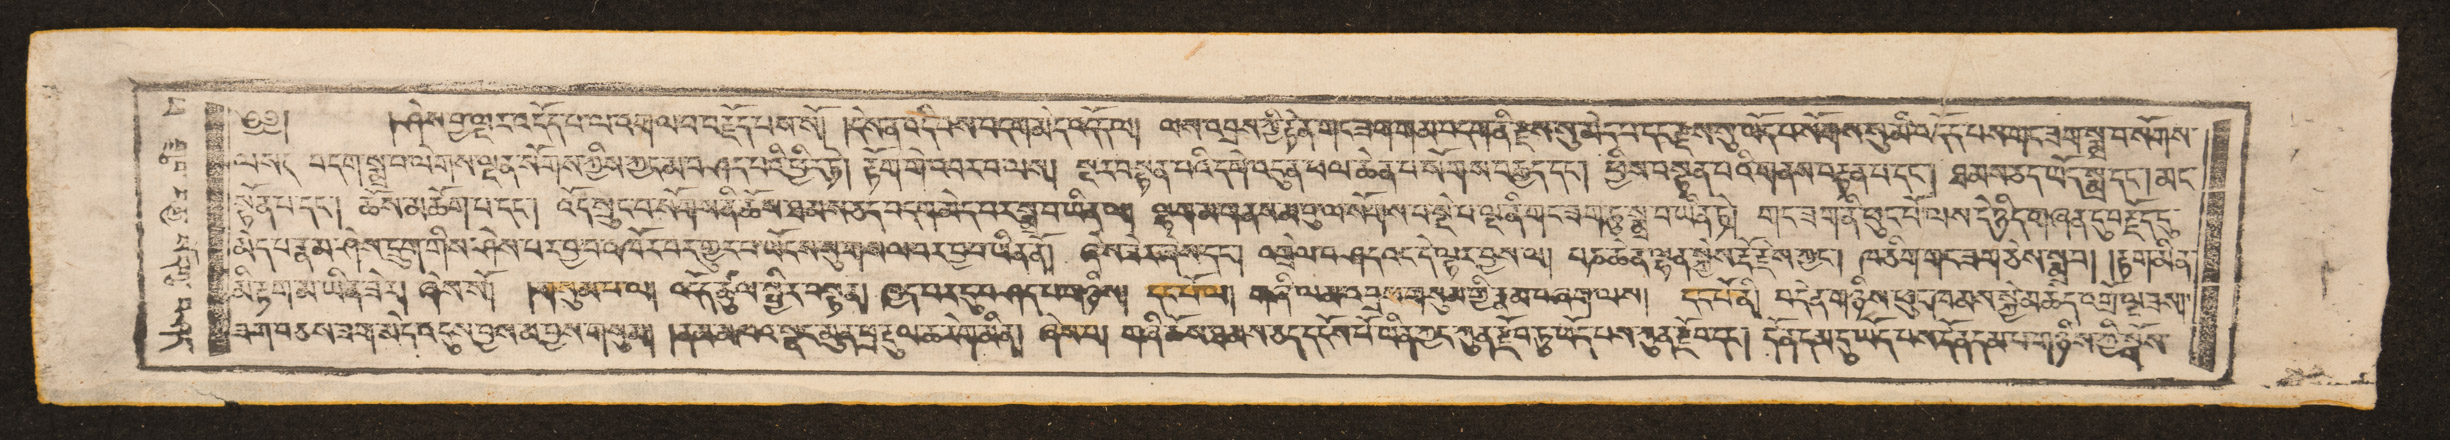༄༅། །ཤེས་བྱ་ལྔར་འདོད་པ་ལ་འགལ་བ་བརྗོད་པས་སོ། །དེས་ན་འདི་བས་བདག་མེད་འདོད་ལ། ལས་འབྲས་ཀྱི་རྟེན་གང་ཟག་གམ་བདག་ནི་རྫས་སུ་མེད་པ་དང་རྫས་སུ་ཡོད་པ་སོགས་སུ་མི་འདོད་པས་གང་ཟག་སྨྲ་བ་སོགས་
ལས༑ བདག་སྨྲ་པ་ལགས་ལྡན་སོགས་ཀྱིས་ཀྱང་མ་བཤད་པའི་ཕྱིར་ཏེ། རྟོག་གེ་འབར་བ་ལས། སྔར་བསྟན་པའི་དགེ་འདུན་ཕལ་ཆེན་པ་སོགས་བརྒྱད་དང་། ཕྱིས་བསྟན་པའི་གནས་བརྟན་པ་དང་། ཐམས་ཅད་ཡོད་སྨྲ་དང་། མང་
སྟོན་པ་དང་། ཆོས་མཆོག་པ་དང་། འོད་སྲུང་བ་སོགས་ནི་ཆོས་ཐམས་ཅད་བདག་མེད་པར་སྨ་བ་ཡིན་ལ། ལྷག་མ་གནས་མ་བུ་ལ་སོགས་པ་སྡེ་པ་ལྔ་ནི་གང་ཟག་ཏུ་སྨྲ་བ་ཡིན་ཏེ། གང་ཟག་ནི་ཕུང་པོ་ལས་དེ་ཉིད་གཞན་དུ་བརྗོད་དུ་
མེད་པ་རྣམ་ཤེས་དྲུག་གིས་ཤེས་པར་བྱ་བ་འཁོར་བར་གྱུར་བ་ཡོངས་སུ་གསལ་བར་བྱ་བ་ཡིན་ནོ། ཞེས་ཟེར་ཞེས་དང་། འགྲེལ་བཤདཱང་དེ་ལྟར་བྱས་ལ། པཎ་ཆེན་ལྷན་སྐྱེས་རྡོ་རྗེས་ཀྱང་། ཁ་ཅིག་གང་ཟག་ཅེས་སྨྲ་བ། །རྟག་མིན་
མི་རྟག་མ་ཡིན་ཟེར། ཞེས་སོ། །གསུམ་པ་ལ། འདོད་ཚུལ་སྤྱིར་བསྟན། ཁྱད་པར་དུ་བཤད་པ་གཉིས། དང་པོ་ལ། གཞི་ལམ་འབྲས་གསུམ་གྱི་རྣམ་བཞག་ལས། དང་པོ་ནི། བདེན་གཉིས་ཕུང་ཁམས་སྐྱེ་མཆེད་འགྲོ་ལྔ་ཟས།
ཟག་བཅས་ཟག་མེད་འདུས་བྱས་མ་བྱས་གསུམ། །ནམ་མཁའ་སྣང་མུན་ཕྲ་རྡུལ་ཆ་རེག་མིན། ཞེས་པ། གཞི་ཆོས་ཐམས་ཅད་དངོས་པོ་ཡིན་ཀྱང་ཀུན་རྫོབ་ཏུ་ཡོད་པས་ཀུན་རྫོབ་དང་། དོན་དམ་དུ་ཡོད་པས་དོན་དམ་པ་གཉིས་ཀྱི་སྒོས་